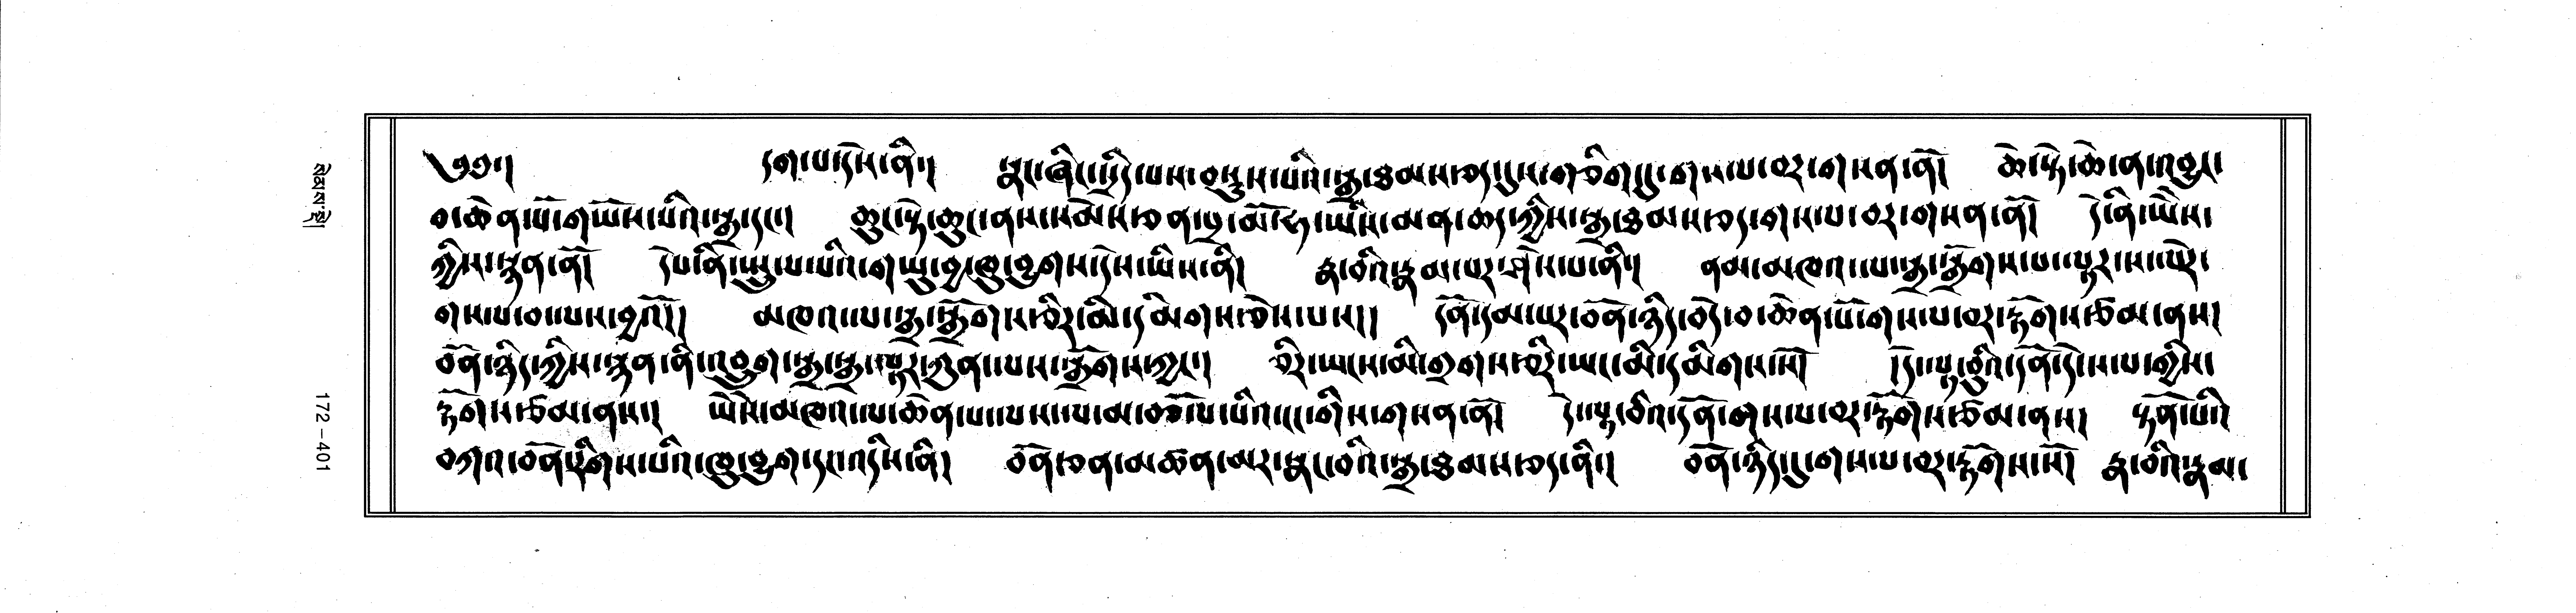དག་པ་དེས་ནི། སྣང་ཞིང་སྲིད་པས་བསྡུས་པའི་སྒྲ་ཐམས་ཅད་དུས་གཅིག་དུ་གསལ་བར་གསན་ནོ། ཆེ་སྟེ་ཆེ་ན་འབྱུང་
བ་ཆེན་པོ་གཡོས་པའི་སྒྲ་དང་། ཆུང་སྟེ་ཆུང་ནས་སེམས་ཅན་པྲ་མོ་ཧ་ཡིས་མན་ཆད་ཀྱིས་སྒྲ་ཐམས་ཅད་གསལ་བར་གསན་ནོ། དེ་ནི་ཡེ་ཤེས་
ཀྱིས་སྙན་ནོ། དཔེ་ནི་སྤྲུལ་པའི་གཡུ་བྱ་ཁུ་བྱུག་དེས་ཡིས་ནི། རྣ་བའི་རྣམ་པར་ཤེས་པ་ནི། ནམ་མཁའ་ལ་སྒྲ་སྒྲོགས་པ་ལྟར་ས་ལེར་
གསལ་བ་ལས་བྱའོ། མཁའ་ལ་སྒྲ་སྒྲོགས་ཅིར་མི་དམིགས་ཅེས་པས། དོན་དམ་པར་བོན་ཉིད་བདེ་བ་ཆེན་པོ་གསལ་བར་རྟོགས་ཙམ་ནས། 
བོན་ཉིད་ཀྱིས་སྙན་ནི་འབྲུག་སྒྲ་ལྟར་ཀུན་ལས་སྒྲོགས་ཀྱང་། ཅིར་ཡང་མི་གྲགས་ཅིར་ཡང་མི་དམིགས་སོ། དེ་ལྟ་བུའི་དོན་དེ་སལ་གྱིས་
རྟོགས་ཙམ་ནས། ཡེ་ཤེས་མཁའ་ལ་ཆེན་པོ་ལས་ལ་མ་བཅོལ་པའི་ངང་གིས་གསན་ནོ། དེ་ལྟ་བའི་དོན་གསལ་བར་རྟོགས་ཙམ་ནས། སྟོན་པའི་
བཀའ་བོན་རིག་པའི་ཁུ་བྱུག་དང་འདིས་ནི། བོན་ཅན་མཚན་མར་སྣང་བའི་སྒྲ་ཐམས་ཅད་ནི། བོན་ཉིད་དུ་གསལ་བར་རྟོགས་སོ། རྣ་བའི་རྣམ་